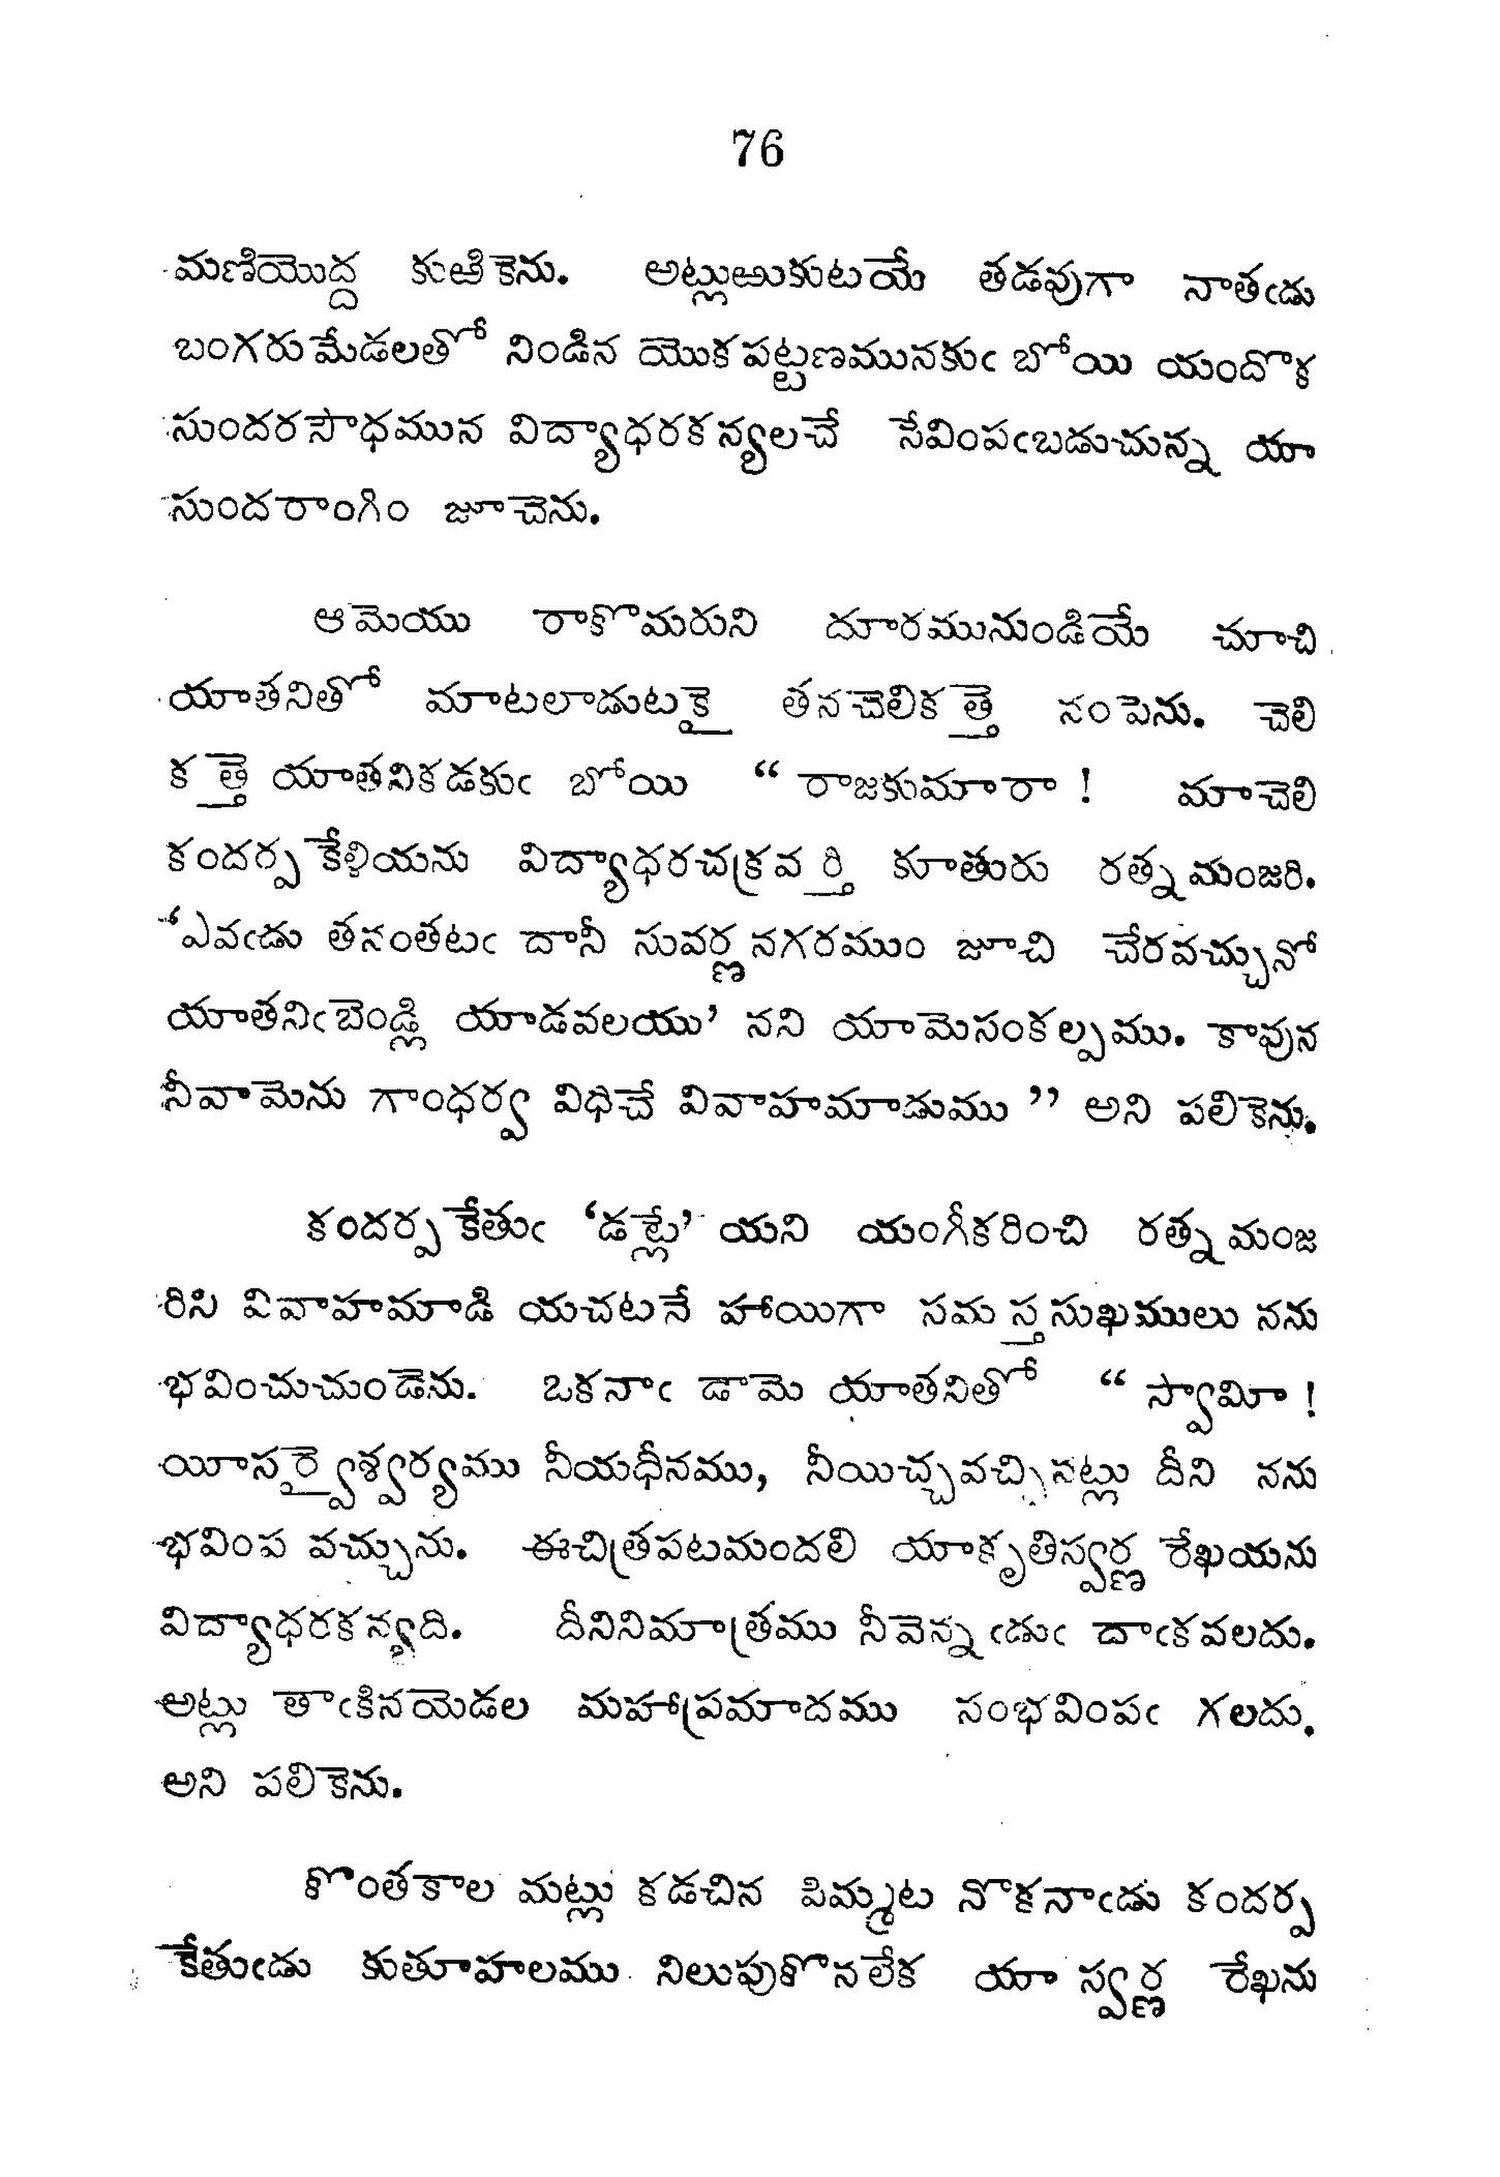మణియొద్ద కుఱికెను. అట్లుఱుకుటయే తడవుగా నాతడు బంగరుమేడలతో నిండిన యొకపట్టణమునకు బోయి యందొక సుందరసౌధమున విద్యాధరకన్యలచే సేవింప బడుచున్న యా సుందరాంగిం జూచెను.

ఆమెయు రాకొమరుని దూరమునుండియే చూచి యాతనితో మాటలాడుటకై తనచెలికత్తె నంపెను. చెలికత్తె యాతనికడకు బోయి "రాజకుమారా! మాచెలి కందర్ప కేళియను విద్యాధరచక్రవర్తి కూతురు రత్నమంజిరి. 'ఎవడు తనంతట దానీ సువర్ణనగరముం జూచి చేరవచ్చునో యాతని బెండ్లి యాడవలయు' నని యామెసంకల్పము. కావున నీవామెను గాంధర్వ విధిచే వివాహమాడుము" అని పలికెను.

కందర్ప కేతు 'డట్లే' యని యంగీకరించి రత్నమంజరిని వివాహమాడి యచటనే హాయిగా సమస్తసుఖములు ననుభవించుచుండెను. ఒకనా డామె యాతనితో "స్వామీ! యీసర్వైశ్వర్యము నీయధీనము, నీయిచ్చవచ్చినట్లు దీని ననుభవింప వచ్చును. ఈచిత్రపటమందలి యాకృతిస్వర్ణ రేఖయను విద్యాధరకన్యది. దీనినిమాత్రము నీవెన్నడు దాకవలదు. అట్లు తాకినయెడల మహాప్రమాదము సంభవింప గలదు. అని పలికెను.

కొంతకాల మట్లు కడచిన పిమ్మట నొకనాడు కందర్ప కేతుడు కుతూహలము నిలుపుకొనలేక యా స్వర్ణ రేఖను